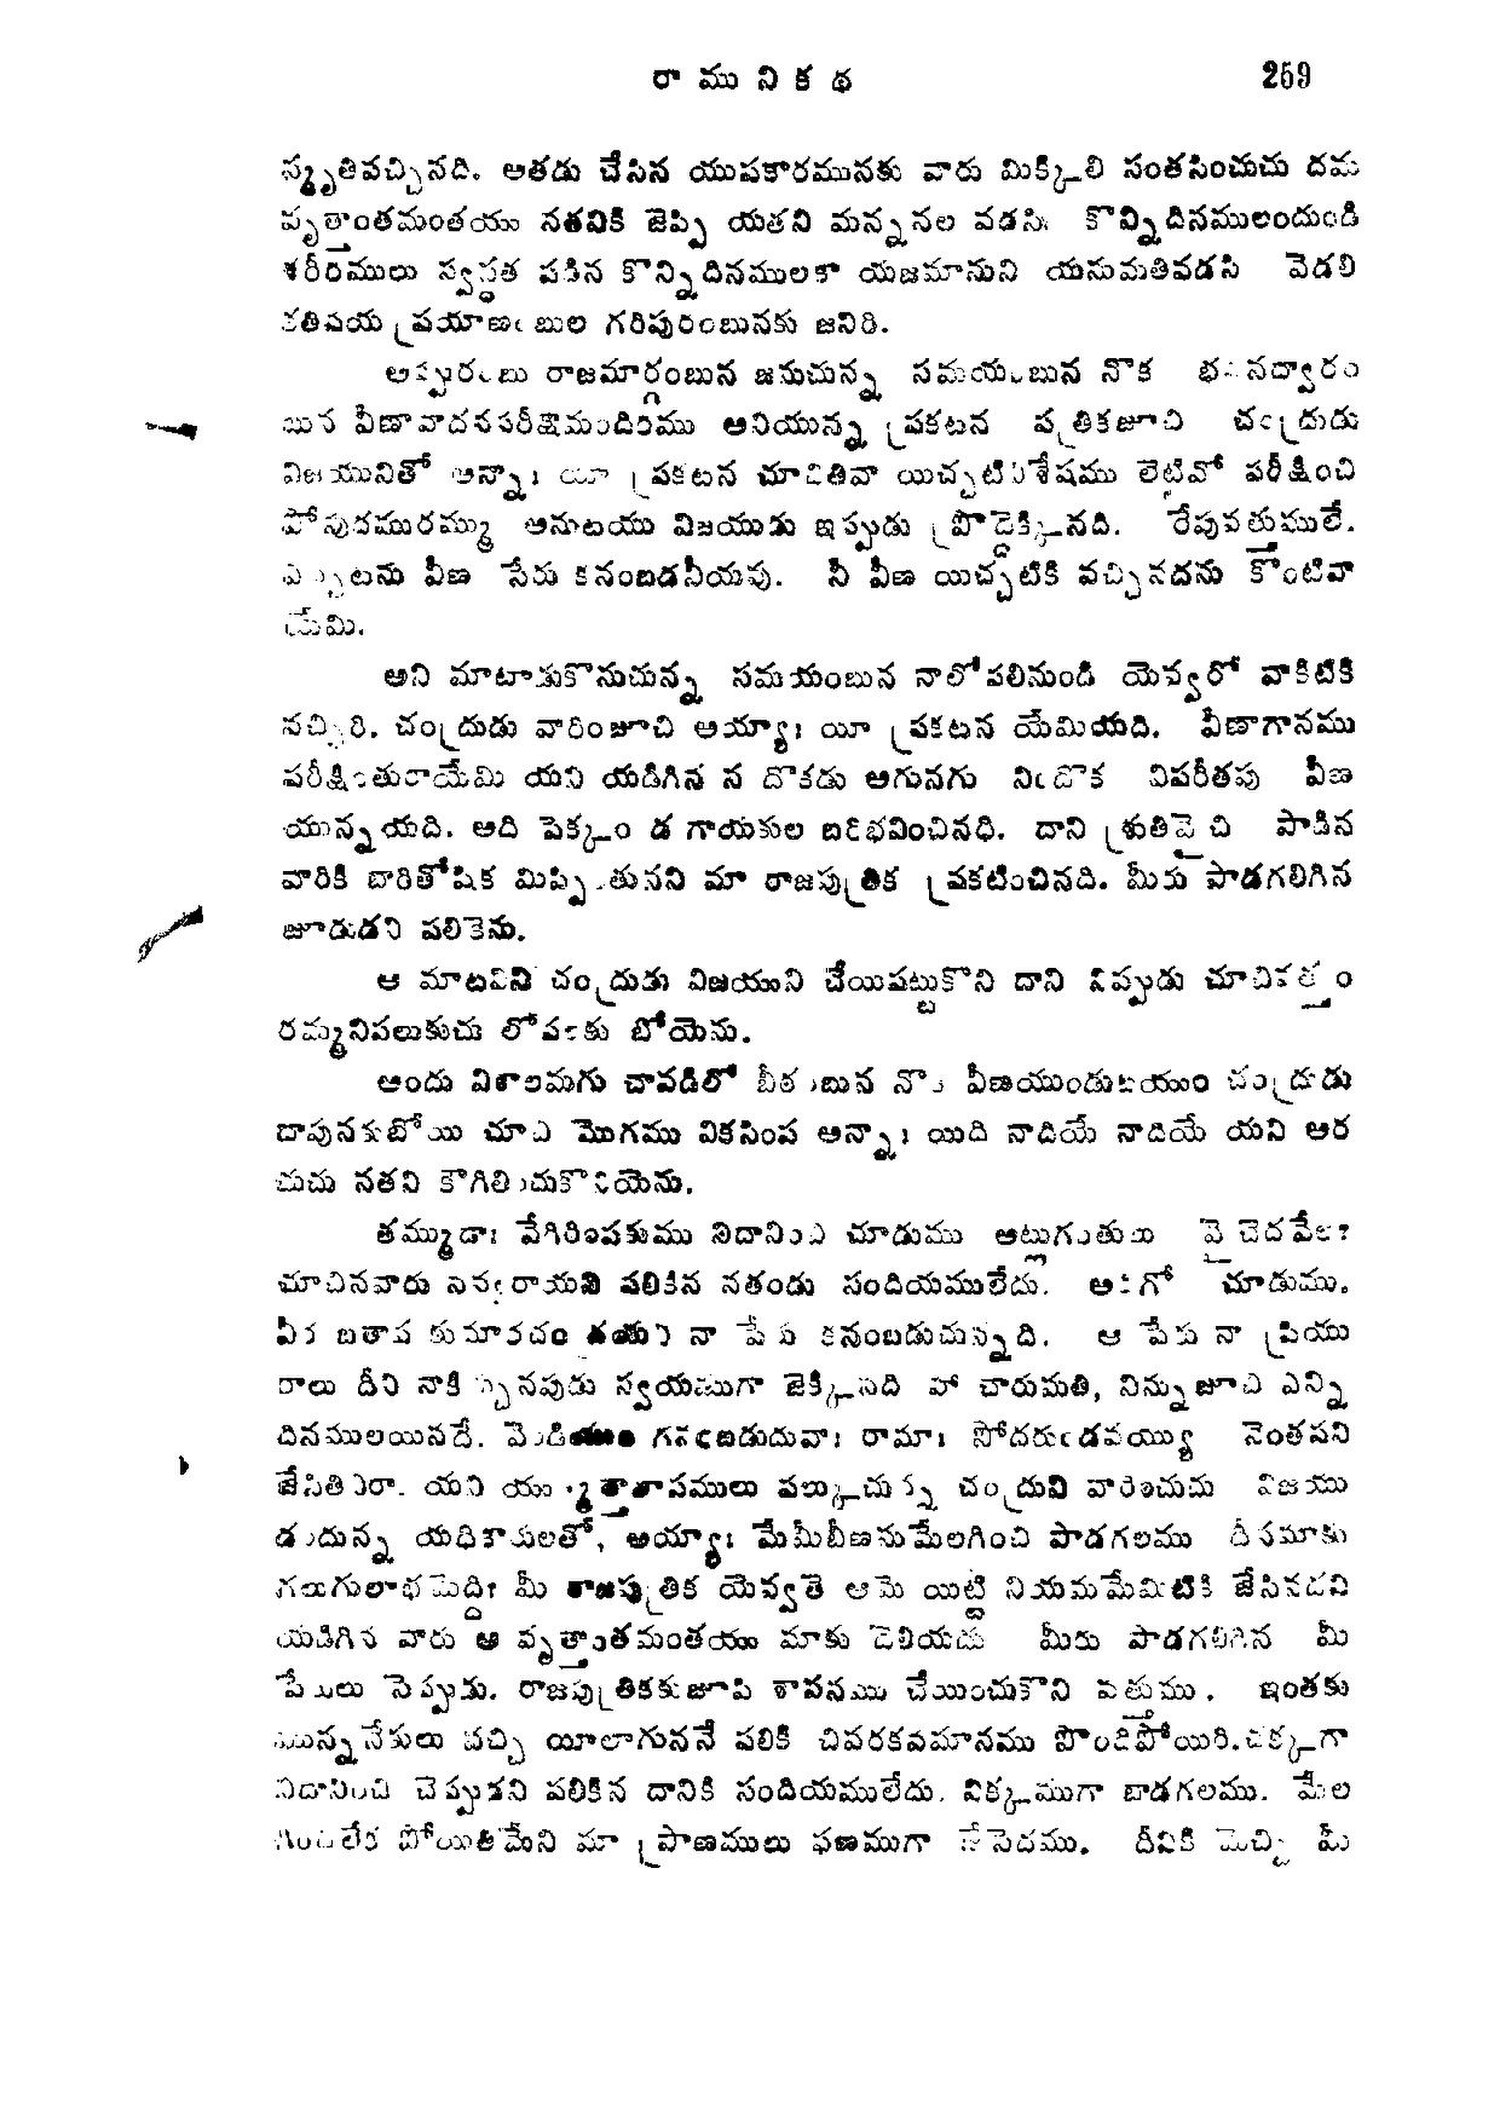స్మృతివచ్చినది. అతడు చేసిన యుపకారమునకు వారు మిక్కిలి సంతసించుచు దమ వృత్తాంత మంతయు నతనికి జెప్పి యతని మన్ననల వడసి, కొన్ని దినములందుండి శరీరములు స్వస్థత పడిన కొన్ని దినములకా యజమానుని యనుమతివడసి వెడలి కతిపయప్రయాణంబుల గరిపురంబునకు జనిరి.

అప్పురంబు రాజమార్గంబున జనుచున్న సమయంబున నొక భవద్వారంబున వీణావాదన పరీక్షామందిరము అనియున్న ప్రకటన పత్రికజూచి చంద్రుడు విజయునితో అన్నా! యీ ప్రకటన చూచితివా యిచ్చటివిశేషము లెట్టివో పరీక్షించి పోవుదమురమ్ము అనుటయు విజయుడు ఇప్పుడు ప్రొద్దెక్కినది. రేపువత్తుములే. ఎచ్చటను వీణ పేరు కనంబడనీయవు. నీ వీణ యిచ్చటికి వచ్చినదను కొంటివా యేమి.

అని మాటాడుకొనుచున్న సమయంబున నాలోపలినుండి యెవ్వరో వాకిటికి వచ్చిరి. చంద్రుడు వారింజూచి అయ్యా! యీ ప్రకటన యేమియది. వీణాగానము పరీక్షింతురాయేమి యని యడిగిన నందొకడు అగునగు నిందొక విపరీతపు వీణయున్న యది. అది పెక్కండ్ర గాయకుల బరిభవించినది. దాని శ్రుతివైచి పాడిన వారికి బారితోషిక మిప్పింతునని మా రాజపుత్రిక ప్రకటించినది. మీరు పాడగలిగిన జూడుడని పలికెను.

ఆ మాటవిని చంద్రుడు విజయుని చేయిపట్టుకొని దాని నిప్పుడు చూచివత్తం రమ్మనిపలుకుచు లోపలకు బోయెను.

అందు విశాలమగు చావడిలో బీఠంబున నొక వీణయుండుటయుం చంద్రుడు దాపునకుబోయి చూచి మొగము వికసింప అన్నా! యిది నాదియే నాదియే యని అరచుచు నతని కౌగిలించుకొనియెను.

తమ్ముడా! వేగిరింపకుము నిదానించి చూడుము అట్లుగంతులు వైచెదవేల? చూచినవారు నవ్వరాయని పలికిన నతండు సందియములేదు. అదిగో చూడుము. వీర బ్రతాప కుమారచంద్రయని నా పేరు కనంబడుచున్నది. ఆ పేరు నా ప్రియురాలు దీని నాకిచ్చినపుడు స్వయముగా జెక్కినది హా చారుమతి, నిన్నుజూచి ఎన్ని దినములయినదే. వెండియుం గనఁబడుదునా? రామా! సోదరుఁడవయ్యు నెంతపని జేసితివిరా. యని యున్మత్తాతాపములు పల్కుచున్న చంద్రుని వారించుచు విజయు డందున్న యధికారులతో, అయ్యా! మేమీవీణను మేలగించి పాడగలము దీనమాకు గలుగులాభమెద్ది! మీ రాజపుత్రిక యెవ్వతె ఆమె యిట్టి నియమమేమిటికి జేసినదని యడిగిన వారు ఆ వృత్తాంతమంతయు మాకు దెలియదు మీరు పాడగలిగిన మీ పేరులు సెప్పుడు. రాజపుత్రికకు జూపి శాసనము చేయించుకొని వత్తుము. ఇంతకు మున్ననేకులు వచ్చి యీలాగుననే పలికి చివరకవమానము పొందిపోయిరి. చక్కగా నిదానించి చెప్పుడని పలికిన దానికి సందియములేదు. నిక్కముగా బాడగలము. మేలగించలేక పోయితిమేని మా ప్రాణములు ఫణముగా జేసెదము. దీనికి మెచ్చి మీ